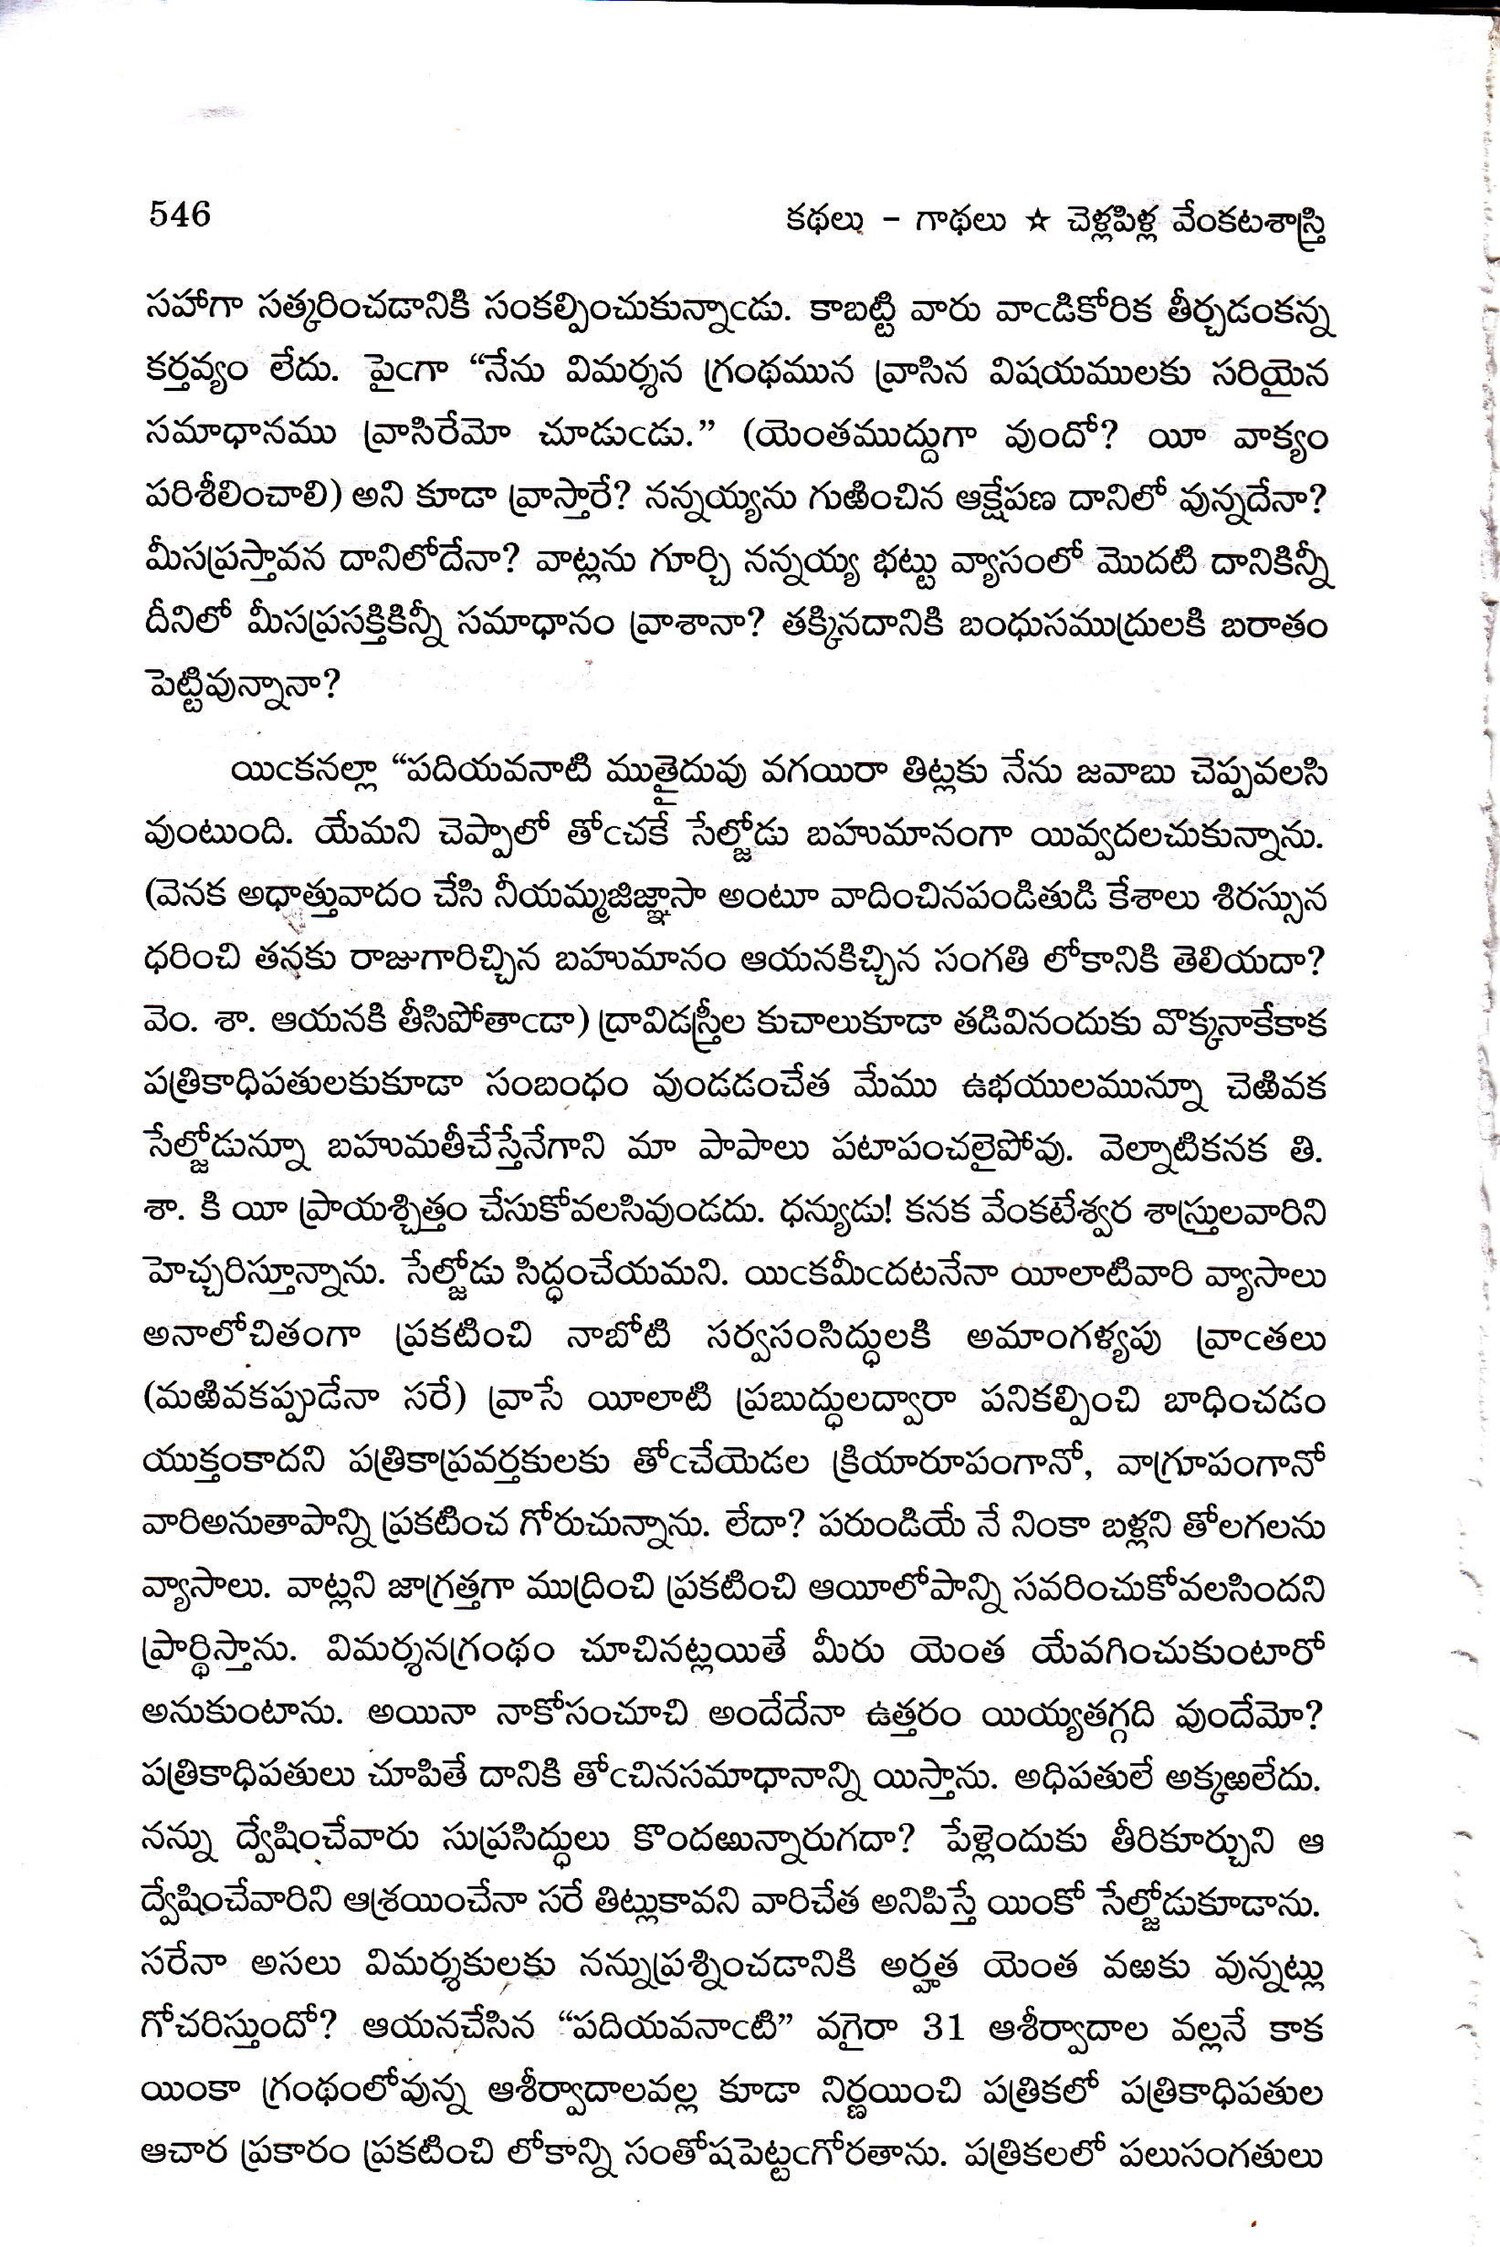సహాగా సత్కరించడానికి సంకల్పించుకున్నాఁడు. కాబట్టి వారు వాఁడికోరిక తీర్చడంకన్న కర్తవ్యం లేదు. పైఁగా “నేను విమర్శన గ్రంథమున వ్రాసిన విషయములకు సరియైన సమాధానము వ్రాసిరేమో చూడఁడు.” (యెంతముద్దుగా వుందో? యీ వాక్యం పరిశీలించాలి) అని కూడా వ్రాస్తారే? నన్నయ్యను గుఱించిన ఆక్షేపణ దానిలో వున్నదేనా? మీసప్రస్తావన దానిలోదేనా? వాట్లను గూర్చి నన్నయ్య భట్టు వ్యాసంలో మొదటి దానికిన్నీ దీనిలో మీసప్రసక్తికిన్నీ సమాధానం వ్రాశానా? తక్కినదానికి బంధుసముద్రులకి బరాతం పెట్టివున్నానా?

యిఁకనల్లా “పదియవనాటి ముత్తైదువు వగయిరా తిట్లకు నేను జవాబు చెప్పవలసి వుంటుంది. యేమని చెప్పాలో తోఁచకే సేల్జోడు బహుమానంగా యివ్వదలచుకున్నాను. (వెనక అధాత్తువాదం చేసి నీయమ్మజిజ్ఞాసా అంటూ వాదించినపండితుడి కేశాలు శిరస్సున ధరించి తనకు రాజుగారిచ్చిన బహుమానం ఆయనకిచ్చిన సంగతి లోకానికి తెలియదా? వెం. శా. ఆయనకి తీసిపోతాఁడా) ద్రావిడ స్త్రీల కుచాలుకూడా తడివినందుకు వొక్కనాకేకాక పత్రికాధిపతులకుకూడా సంబంధం వుండడంచేత మేము ఉభయులమున్నూ చెఱివక సేల్జోడున్నూ బహుమతీచేస్తేనేగాని మా పాపాలు పటాపంచలైపోవు. వెల్నాటికనక తి. శా. కి యీ ప్రాయశ్చిత్తం చేసుకోవలసివుండదు. ధన్యుడు! కనక వేంకటేశ్వర శాస్త్రులవారిని హెచ్చరిస్తూన్నాను. సేల్జోడు సిద్ధంచేయమని. యిఁకమీఁదటనేనా యీలాటివారి వ్యాసాలు అనాలోచితంగా ప్రకటించి నాబోటి సర్వసంసిద్దులకి అమాంగళ్యపు వ్రాఁతలు (మఱివకప్పపుడేనా సరే) వ్రాసే యీలాటి ప్రబుద్దులద్వారా పనికల్పించి బాధించడం యుక్తంకాదని పత్రికాప్రవర్తకులకు తోఁచేయెడల క్రియారూపంగానో, వాగ్రూపంగానో వారిఅనుతాపాన్ని ప్రకటించ గోరుచున్నాను. లేదా? పరుండియే నే నింకా బళ్లని తోలగలను వ్యాసాలు. వాట్లని జాగ్రత్తగా ముద్రించి ప్రకటించి ఆయీలోపాన్ని సవరించుకోవలసిందని ప్రార్థిస్తాను. విమర్శనగ్రంథం చూచినట్లయితే మీరు యెంత యేవగించుకుంటారో అనుకుంటాను. అయినా నాకోసంచూచి అందేదేనా ఉత్తరం యియ్యతగ్గది వుందేమో? పత్రికాధిపతులు చూపితే దానికి తోఁచినసమాధానాన్ని యిస్తాను. అధిపతులే అక్కఱలేదు. నన్ను ద్వేషించేవారు సుప్రసిద్దులు కొందఱున్నారుగదా? పేళ్లెందుకు తీరికూర్చుని ఆ ద్వేషించేవారిని ఆశ్రయించేనా సరే తిట్లుకావని వారిచేత అనిపిస్తే యింకో సేల్జోడుకూడాను. సరేనా అసలు విమర్శకులకు నన్నుప్రశ్నించడానికి అర్హత యెంత వఱకు వున్నట్లు గోచరిస్తుందో? ఆయనచేసిన “పదియవనాఁటి" వగైరా 31 ఆశీర్వాదాల వల్లనే కాక యింకా గ్రంథంలోవున్న ఆశీర్వాదాలవల్ల కూడా నిర్ణయించి పత్రికలో పత్రికాధిపతుల ఆచార ప్రకారం ప్రకటించి లోకాన్ని సంతోషపెట్టఁగోరతాను. పత్రికలలో పలుసంగతులు